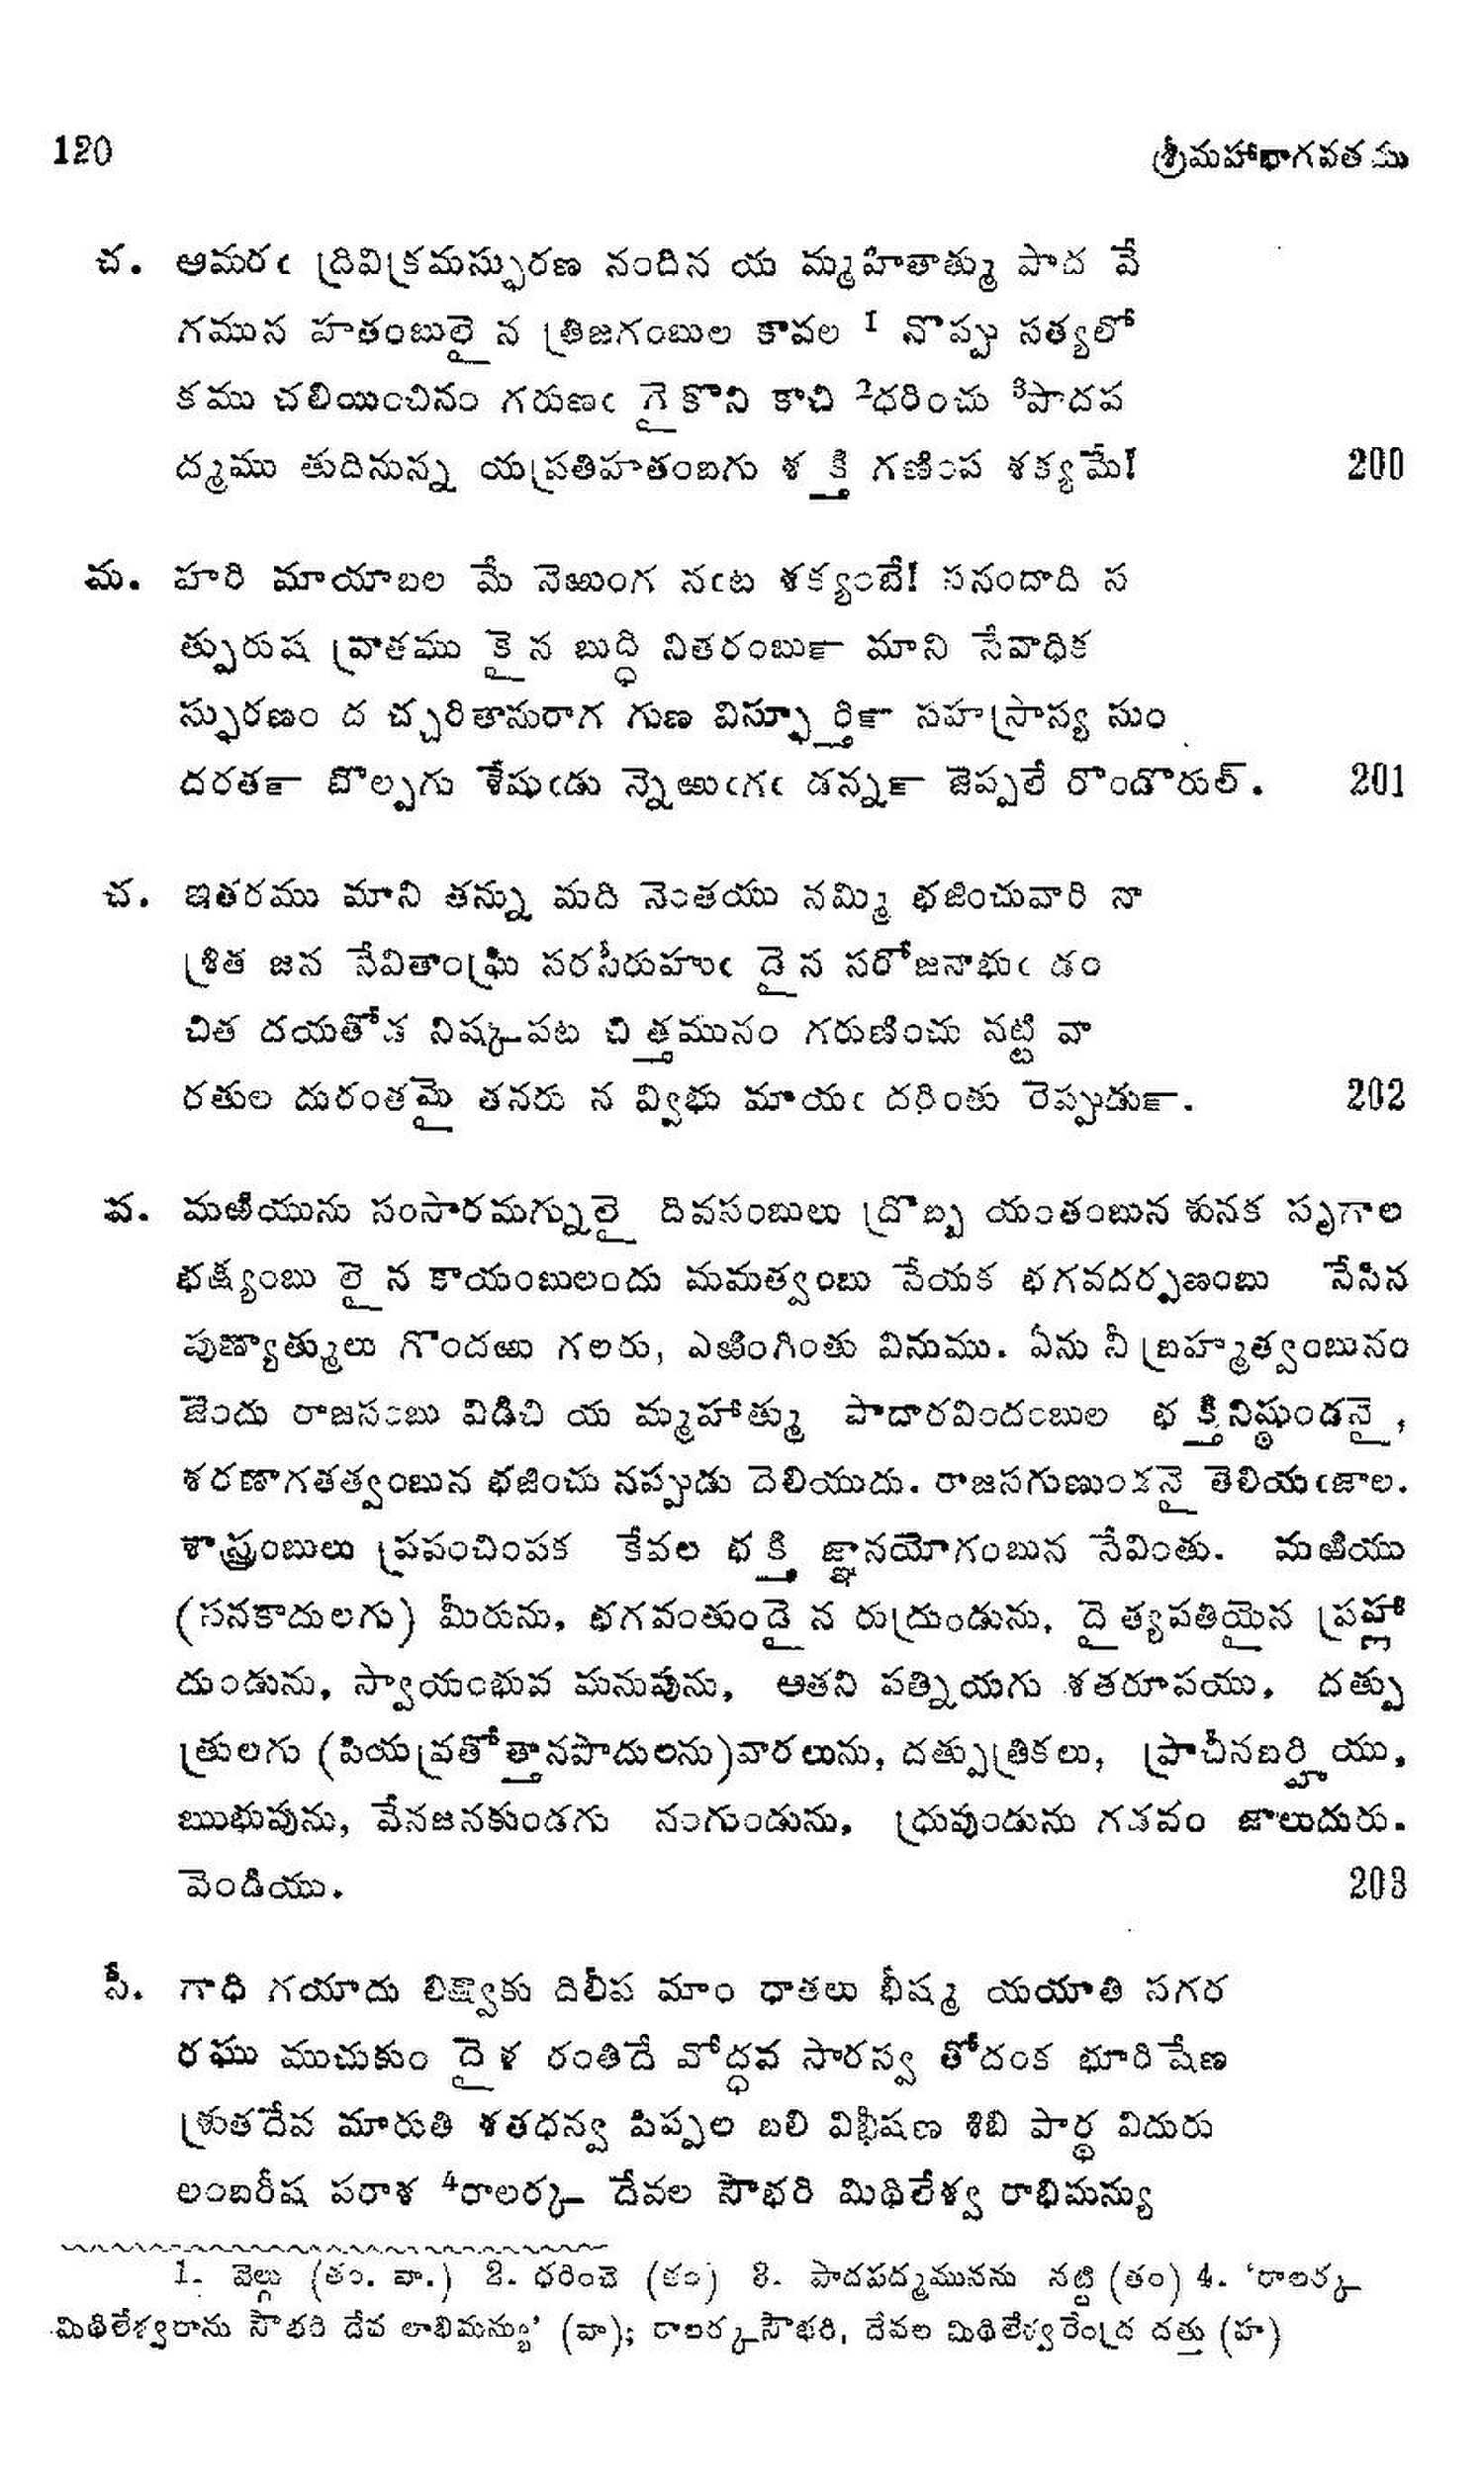120

చ. అమరఁ ద్రివిక్రమస్ఫురణ నందిన య మ్మహితాత్ము పాద వే

గమున హతంబులైన త్రిజగంబుల కావల నొప్పు సత్యలో 

కము చలియించినం గరుణఁ గైకొని కాచి ధరించు పాదప

ద్మము తుదినున్న యప్రతిహతంబగు శక్తి గణింప శక్యమే! ( 200 )

మ. హరి మాయాబల మే నెఱుంగ నఁట శక్యంబే! సనందాది స 

త్పురుష వ్రాతము కైన బుద్ధి నిరతంబున్ మాని సేవాధిక

స్ఫురణం ద చ్చరితానురాగ గుణ విస్ఫూర్తిన్ సహస్రాస్య సుం

దరతన్ బొల్పగు శేషుఁడు న్నెఱుఁగ డన్నన్ జెప్పలే రొండొరుల్. ( 201 )

చ. ఇతరము మాని తన్ను మది నెంతయు నమ్మి భజించువారి నా

శ్రిత జన సేవితాంఘ్ర సరసీరుహుఁ డైన సరోజనాభుఁ డం

చిత దయతోడ నిష్కపట చిత్తమునం గరుణించు నట్టి వా

రతుల దురంతమై తనరు న వ్విభు మాయఁ దరింతు రెప్పుడున్. (202 )

వ. మఱియును సంసారమగ్నులై దివసంబులు ద్రొబ్బి యంతంబున శునక సృగాల భక్ష్యంబు లైన కాయంబులందు మమత్వంబు సేయక భగవదర్పణంబు సేసిన పుణ్యాత్ములు గొందఱు గలరు, ఎఱింగింతు వినుము. ఏను నీ బ్రహ్మత్వంబునం జెందు రాజసంబు విడిచి య మ్మహాత్ము పారారవిందంబుల భక్తి నిష్ఠుండనై, శరణాగతత్వంబున భజించు నప్పుడు దెలియదు. రాజసగుణుండనై తెలియఁజాల. శాస్త్రంబులు ప్రపంచింపక కేవల భక్తి జ్ఞానయోగంబున సేవింతు. మఱియు (సనకాదులగు) మీరును, భగవంతుడైన రుద్రుండును, దైత్యపతియైన ప్రహ్లాదుండును, స్వాయంభువ మనువును, అతని పత్ని యగు శతరూపయు, దత్పుత్రులగు (ప్రియవ్రతోత్తానపాదులను) వారలును, దత్పుత్రికలు, ప్రాచీనబర్హియు ఋభువును, వేనజనకుండగు నంగుండును, ధ్రువుండును గడవం జాలుదురు వెండియు. ( 203)

సీ. గాధి గయాదు లిక్ష్వాకు దిలీప మాం ధాతలు భీష్మ యయాతి సగర

రము ముచుకుం దైళ రంతిదే వోద్ధవ సారస్వ తోదంక భూరిషేణ

శ్రుతదేవ మారుతి శతధన్వ పిప్పల బలి విభీషణ శిబి పార్ధ విదురు

లంబరీష పరాశ రాలర్క దేవల సౌభరి మిథిలేశ్వ రాభిమన్యు